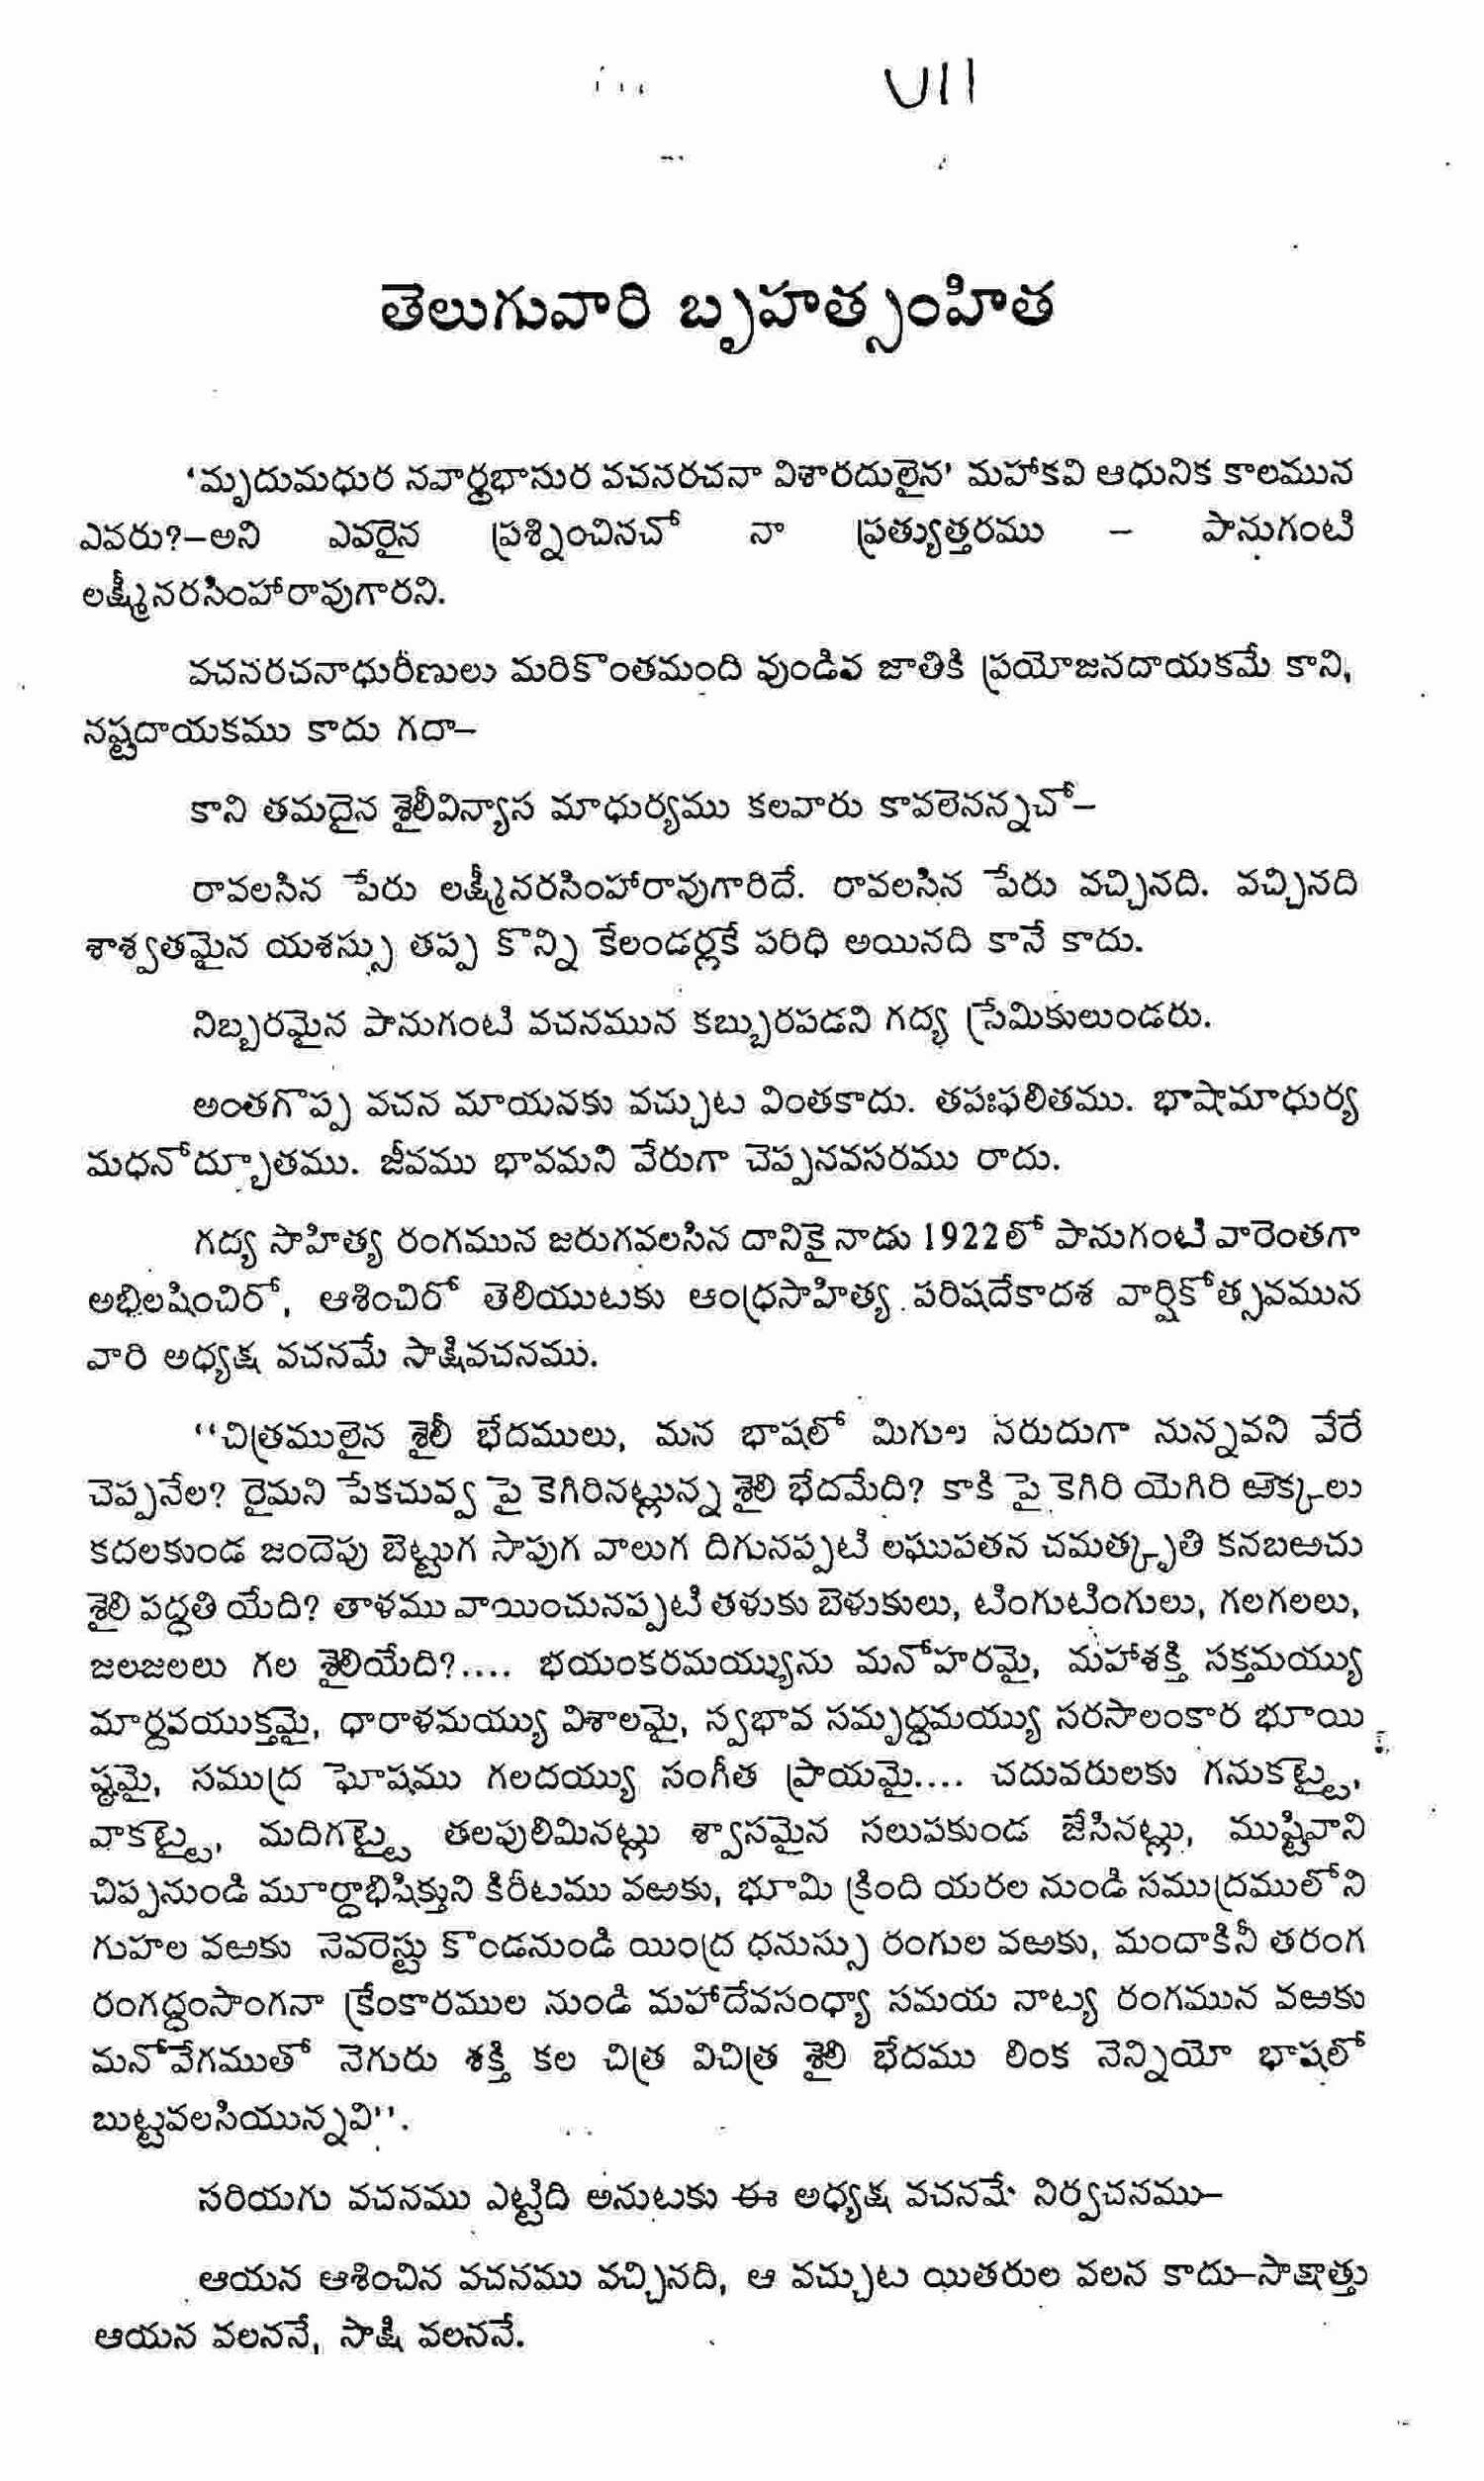తెలుగువారి బృహత్సంహిత

“మృదుమధుర నవార్థభాసుర వచనరచనా విశారదులైన' మహాకవి ఆధునిక కాలమున ఎవరు? -అని ఎవరైన ప్రశ్నించినచో నా ప్రత్యుత్తరము - పానుగంటి లక్ష్మీనరసింహారావుగారని.

వచనరచనాధురీణులు మరికొంతమంది వుండిన జాతికి ప్రయోజనదాయకమే కాని, నష్టదాయకము కాదు గదా-

కాని తమదైన శైలివిన్యాస మాధుర్యము కలవారు కావలెనన్నచో -

రావలసిన పేరు లక్ష్మీనరసింహారావుగారిదే. రావలసిన పేరు వచ్చినది. వచ్చినది శాశ్వతమైన యశస్సు తప్ప కొన్ని కేలండర్లకే పరిధి అయినది కానే కాదు.

నిబ్బరమైన పానుగంటి వచనమున కబ్బురపడని గద్య ప్రేమికులుండరు.

అంతగొప్ప వచన మాయనకు వచ్చుట వింతకాదు. తపఃఫలితము. భాషామాధుర్య మధనోద్భూతము. జీవము భావమని వేరుగా చెప్పనవసరము రాదు.

గద్య సాహిత్య రంగమున జరుగవలసిన దానికై నాడు 1922లో పానుగంటి వారెంతగా అభిలషించిరో, ఆశించిరో తెలియుటకు ఆంధ్రసాహిత్య పరిషదేకాదశ వార్షికోత్సవమున వారి అధ్యక్ష వచనమే సాక్షివచనము.

“చిత్రములైన శైలీ భేదములు, మన భాషలో మిగుల నరుదుగా నున్నవని వేరే చెప్పనేల? రైమని పేకచువ్వ పై కెగిరినట్లున్న శైలి భేదమేది? కాకి పై కెగిరి యెగిరి ఱెక్కలు కదలకుండ జందెపు బెట్టుగ సాపుగ వాలుగ దిగునప్పటి లఘుపతన చమత్కృతి కనబఱచు శైలి పద్ధతి యేది? తాళము వాయించునప్పటి తళుకు బెళుకులు, టింగుటింగులు, గలగలలు, జలజలలు గల శైలియేది?..... భయంకరమయ్యును మనోహరమై, మహాశక్తి సక్తమయ్యు మార్దవయుక్తమై, ధారాళమయ్యు విశాలమై, స్వభావ సమృధ్ధమయ్యు సరసాలంకార భూయిష్ఠమై, సముద్ర ఘోషము గలదయ్యు సంగీత ప్రాయమై.... చదువరులకు గనుకట్టై, వాకట్టై, మదిగట్టై తలపులిమినట్లు శ్వాసమైన సలుపకుండ జేసినట్లు, ముష్టివాని చిప్పనుండి మూర్దాభిషిక్తుని కిరీటము వఱకు, భూమి క్రింది యరల నుండి సముద్రములోని గుహల వఱకు నెవరెస్టు కొండనుండి యింద్ర ధనుస్సు రంగుల వఱకు, మందాకినీ తరంగ రంగద్దంసాంగనా క్రేంకారముల నుండి మహాదేవసంధ్యా సమయ నాట్య రంగమున వఱకు
మనో వేగముతో నెగురు శక్తి కల చిత్ర విచిత్ర శైలి భేదము లింక నెన్నియో భాషలో బుట్టవలసియున్నవి".

సరియగు వచనము ఎట్టిది అనుటకు ఈ అధ్యక్ష వచనమే నిర్వచనము-

ఆయన ఆశించిన వచనము వచ్చినది, ఆ వచ్చుట యితరుల వలన కాదు-సాక్షాత్తు ఆయన వలననే, సాక్షి వలననే.